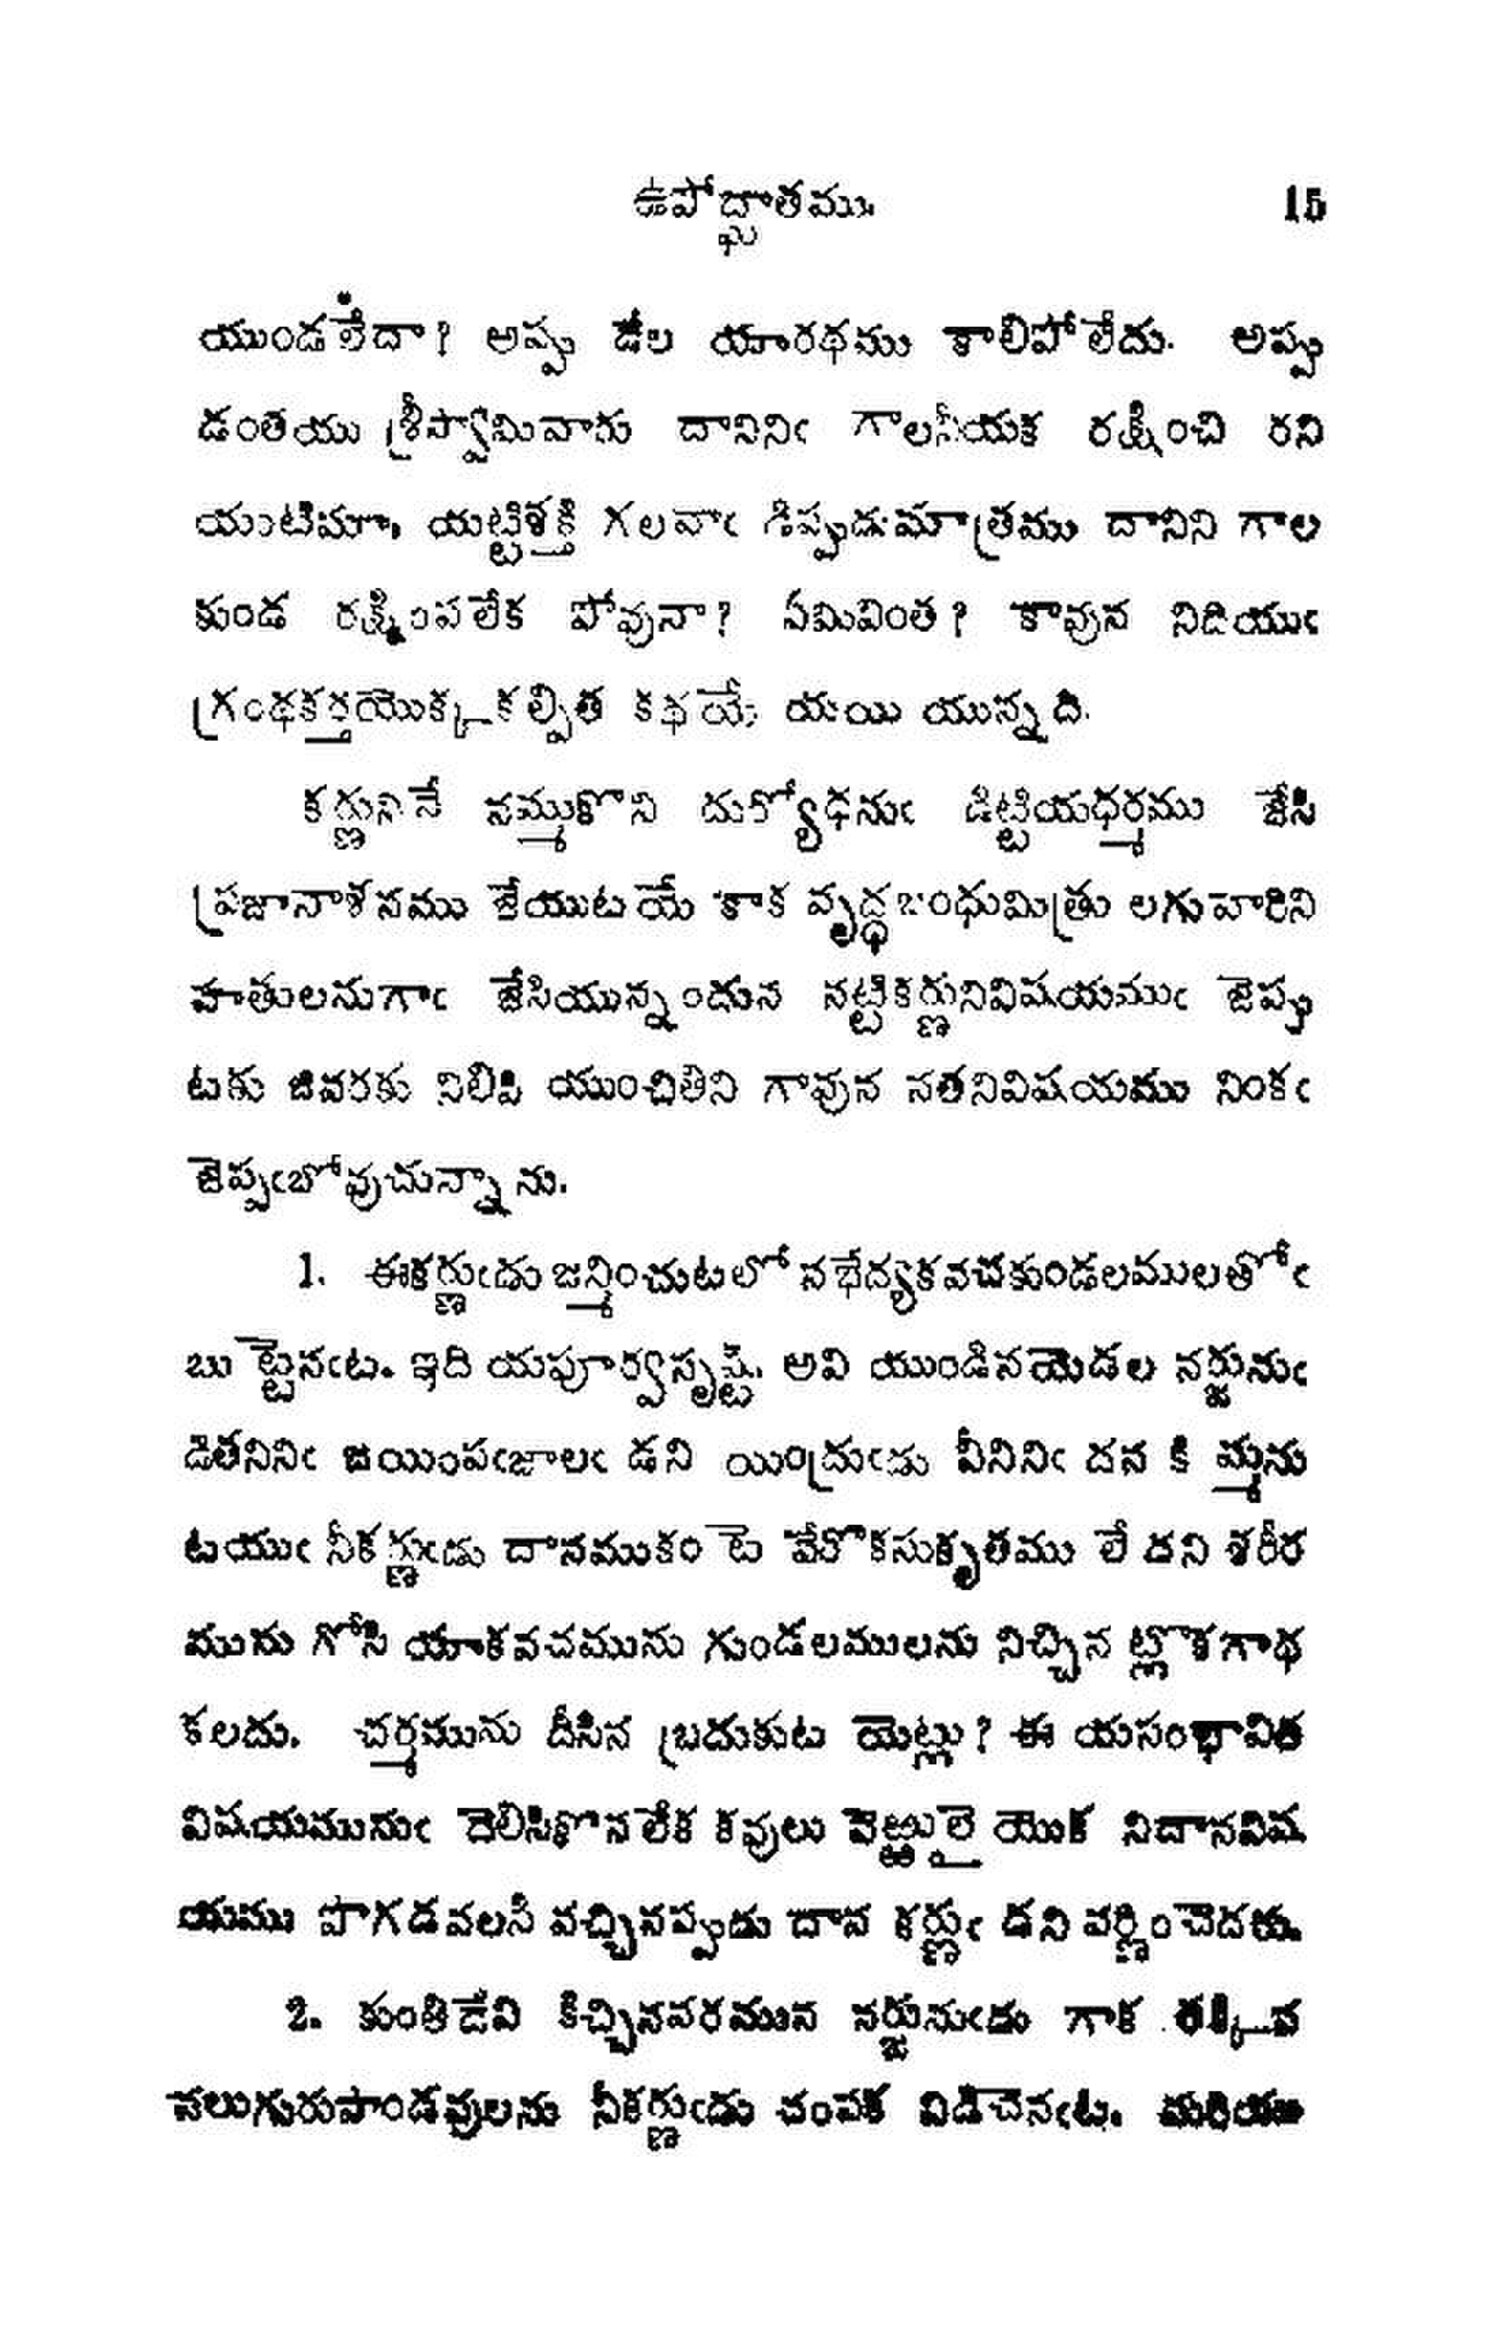యుండలేదా! అప్పు డేల యారథము కాలిపోలేదు. అప్పు డంతయు శ్రీస్వామివారు దానినిఁ గాలనీయక రక్షించి రని యంటిమా, యట్టిశక్తి గలవాఁ డిప్పుడుమాత్రము దానిని గాలకుండ రక్షింపలేక పోవునా! ఏమివింత ? కావున నిదియుఁ గ్రంథకర్తయొక్క కల్పిత కథయే; యయి యున్నది.

కర్ణునినే నమ్ముకొని దుర్యోధనుఁ డిట్టియధర్మము జేసి ప్రజానాశనము జేయుటయే కాక వృద్ధబంధుమిత్రు లగువారిని హతులనుగాఁ జేసియున్నందున నట్టికర్ణునివిషయముఁ జెప్పుటకు జివరకు నిలిపి యుంచితిని గావున నతనివిషయము నింకఁ జెప్పఁబోవుచున్నాను.

1. ఈకర్ణుడు జనించుటలో నభేద్యకవచకుండలములతోఁ బుట్టెనఁట. ఇది యపూర్వసృష్టి. అవి యుండినయెడల నర్జునుఁ డితనినిఁ జయింపఁజాలఁ డని యింద్రుఁడు వీనినిఁ దన కిమ్మనుటయుఁ నీకర్ణుఁడు దానముకంటె వెరొకసుకృతము లే దని శరీరమునుగోసి యాకవచమును గుండలములను నిచ్చిన ట్లొకగాథ కలదు. చర్మమును దీసిన బ్రదుకుట యెట్లు ? ఈ యసంభావిత విషయమునుఁ దెలిసికొనలేక కవులు వెఱ్ఱులైయొక నిదానవిషయము పొగడవలసి వచ్చినప్పుడు దాన కర్ణుఁ డని వర్ణించెదరు

2. కుంతిదేవి కిచ్చినవరమున నర్జునుఁడు గా తక్కిన నలుగురుపాండవులను నీకర్ణుఁడు చంపక విడిచెనఁట. మరియు